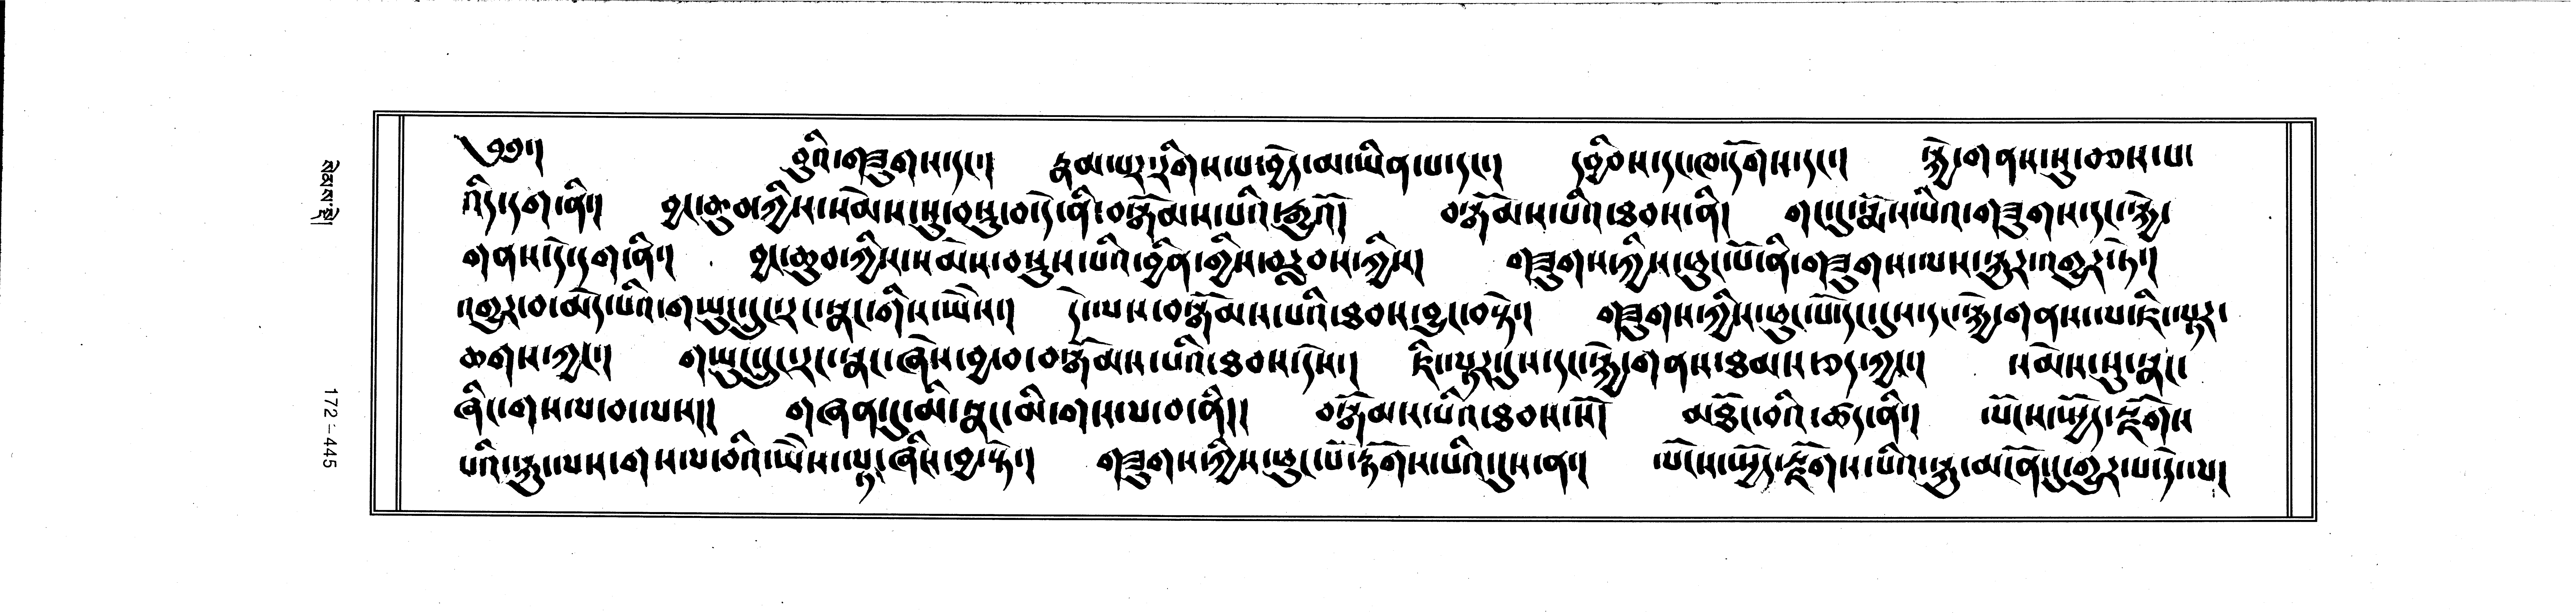བུའི་གཟུགས་དང་། རྣམ་པར་རིག་པ་བྱེད་མ་ཡིན་པ་དང་། དབྱིབས་དང་ཁ་དོག་དང་། སྐྱེ་གནས་སུ་བཅས་པ་
འདི་དག་ནི། བྱང་ཆུབ་ཀྱིས་སེམས་སུ་བསྡུ་བ་དེ་ནི་བསྒོམས་པའི་རྒྱུའོ། བསྒོམས་པའི་ཐབས་ནི། གང་དུ་སྨོས་པའི་གཟུགས་དང་སྐྱེ་
གནས་དེ་དག་ནི། བྱང་ཆུབ་ཀྱིས་སེམས་བསྡུས་པའི་བྱིན་གྱིས་བརླབས་ཀྱིས། གཟུགས་ཀྱིས་ཕུང་པོ་ནི་གཟུགས་ལས་སྐུར་འགྱུར་ཏེ། 
འགྱུར་བ་མེད་པའི་གཡུང་དྲུང་རང་སྣང་གིས་ཡེ་ཤེས། དེ་ལས་བསྒོམས་པའི་ཐབས་བྱུང་བ་སྟེ། གཟུགས་ཀྱིས་ཕུང་པོ་དང་དུས་དང་སྐྱེ་གནས་ལ་ཇི་ལྟར་
ཆགས་ཀྱང་། གཡུང་དྲུང་རང་སྣང་ཞེས་བྱ་བ་བསྒོམས་པའི་ཐབས་དེས། ཇི་ལྟར་དུས་དང་སྐྱེ་གནས་ཐམས་ཅད་ཀྱང་། སེམས་སུ་སྣང་
ཞིང་གསལ་བ་ལས། གཞན་དུ་མི་སྣང་མི་གསལ་བ་ནི། བསྒོམས་པའི་ཐབས་སོ། མཐོང་བའི་ཚད་ནི། ལོངས་སྤྱོད་རྫོགས་
པའི་སྐུ་ལས་གསལ་བའི་ཡེ་ཤེས་ལྟ་ཞིས་བྱ་སྟེ། གཟུགས་ཀྱིས་ཕུང་པོ་རྟོགས་པའི་དུས་ནས། ལོངས་སྤྱོད་རྫོགས་པའི་སྐུ་མངོན་དུ་གྱུར་པ་དེ་ལ།